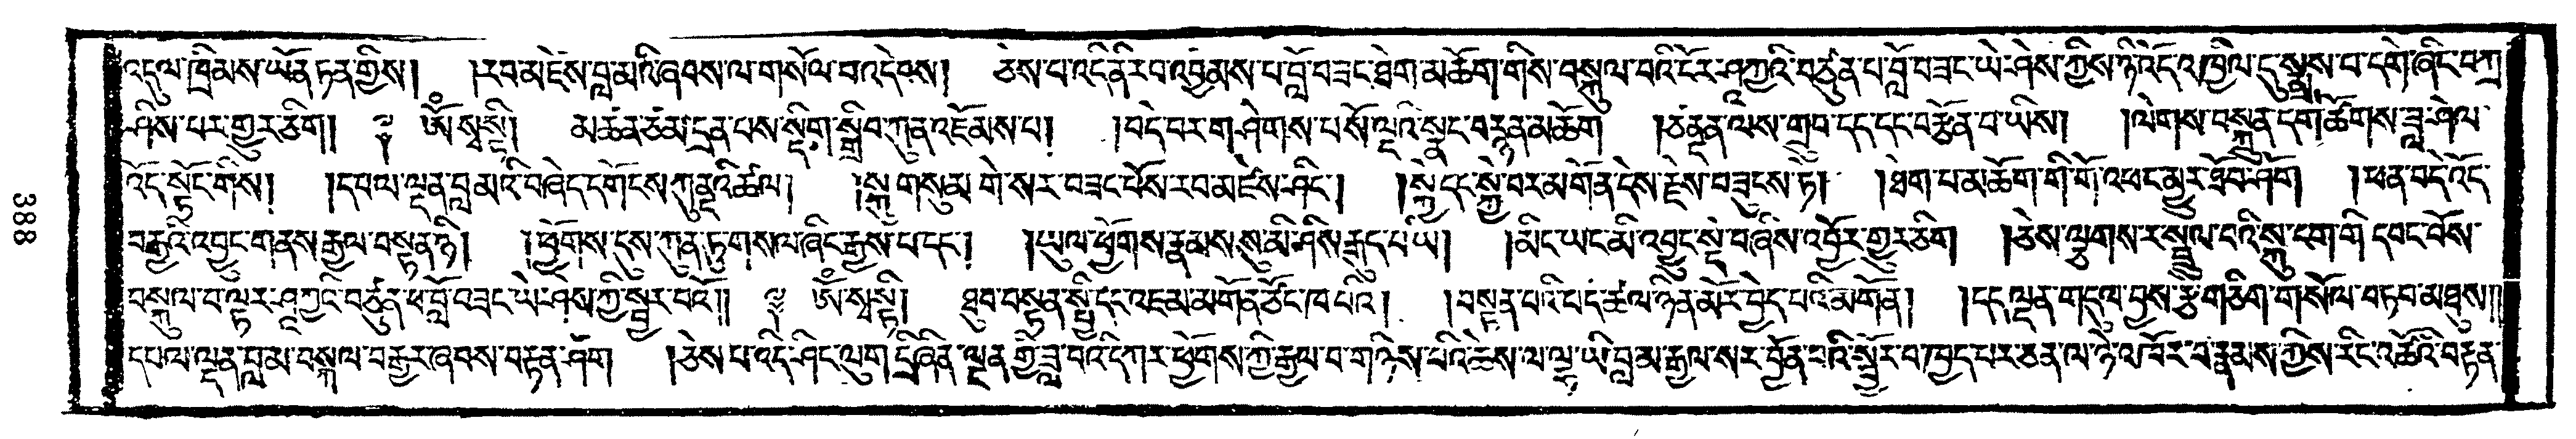འདུལ་ཁྲིམས་ཡོན་ཏན་གྱིས། །རབ་མཛེས་བླ་མའི་ཞབས་ལ་གསོལ་བ་འདེབས། ཅེས་པ་འདི་ནི་རབ་འབྱམས་པ་བློ་བཟང་ཐེག་མཆོག་གིས་བསྐུལ་བའི་ངོར་ཤཱཀྱའི་བཙུན་པ་བློ་བཟང་ཡེ་ཤེས་ཀྱིས་ཉི་འོད་འཁྱིལ་དུ་སྨྲས་པ་དགེ་ཞིང་བཀྲ་
ཤིས་པར་གྱུར་ཅིག། ༈ ཨོཾ་སྭསྟི། མཚན་ཙམ་དྲན་པས་སྡིག་སྒྲིབ་ཀུན་འཇོམས་པ། །བདེ་བར་གཤེགས་པ་སོ་ལྔའི་སྣང་བརྙན་མཆོག །ཙནྡན་ལས་གྲུབ་དད་དང་བརྩོན་པ་ཡིས། །ལེགས་བསྐྲུན་དགེ་ཚོགས་ཟླ་ཤེལ་
འོད་སྟོང་གིས། །དཔལ་ལྡན་བླ་མའི་བཞེད་དགོངས་ཀུནྡའི་ཚལ། །སྐུ་གསུམ་གེ་སར་བཟང་པོས་རབ་མཛེས་ཤིང་། །སྐྱེ་དང་སྐྱེ་བར་མགོན་དེས་རྗེས་བཟུངས་ཏེ། །ཐེག་པ་མཆོག་གི་གོ་འཕང་མྱུར་ཐོབ་ཤོག །ཕན་བདེ་འོད་
བརྒྱའི་འབྱུང་གནས་རྒྱལ་བསྟན་ཉི། །ཕྱོགས་དུས་ཀུན་ཏུ་གསལ་ཞིང་རྒྱས་པ་དང་། །ཡུལ་ཕྱོགས་རྣམས་སུ་མི་ཤིས་རྒུད་པ་ཡི། །མིང་ཡང་མི་འབྱུང་སྡེ་བཞིས་འབྱོར་གྱུར་ཅིག །ཅེས་ལྕགས་ར་སྦྲུལ་བའི་སྐུ་ངག་གི་དབང་བོས་
བསྐུལ་བ་ལྟར་ཤཱཀྱའི་བཙུན་ཕ་བློ་བཟང་ཡེ་ཤེས་ཀྱི་སྦྱར་བའོ།། ༈ ཨོཾ་སྭསྟི། ཐུབ་བསྟན་སྤྱི་དང་འཇམ་མགོན་ཙོང་ཁ་པའི། །བསྟན་པའི་པད་ཚལ་ཉིན་མོར་བྱེད་པའི་མགོན། །དད་ལྡན་གདུལ་བྱས་རྩེ་གཅིག་གསོལ་བཏབ་མཐུས།།
དཔལ་ལྡན་བླ་མ་བསྐལ་བརྒྱར་ཞབས་བརྟན་ཤོག །ཅེས་པ་འདི་ཤིང་ལུག་དྲི་ཞིན་ལྔན་གྱི་ཟླ་བའི་དཀར་ཕྱོགས་ཀྱི་རྒྱལ་བ་གཉིས་པའི་ཆེས་ལ་ལྷ་ཡི་བླ་མ་རྒྱལ་སར་བྱོན་པའི་སྦྱོར་བ་ཁྱད་པར་ཅན་ལ་ཉེ་འཁོར་བ་རྣམས་ཀྱིས་རིང་འཚོའི་བརྟན་